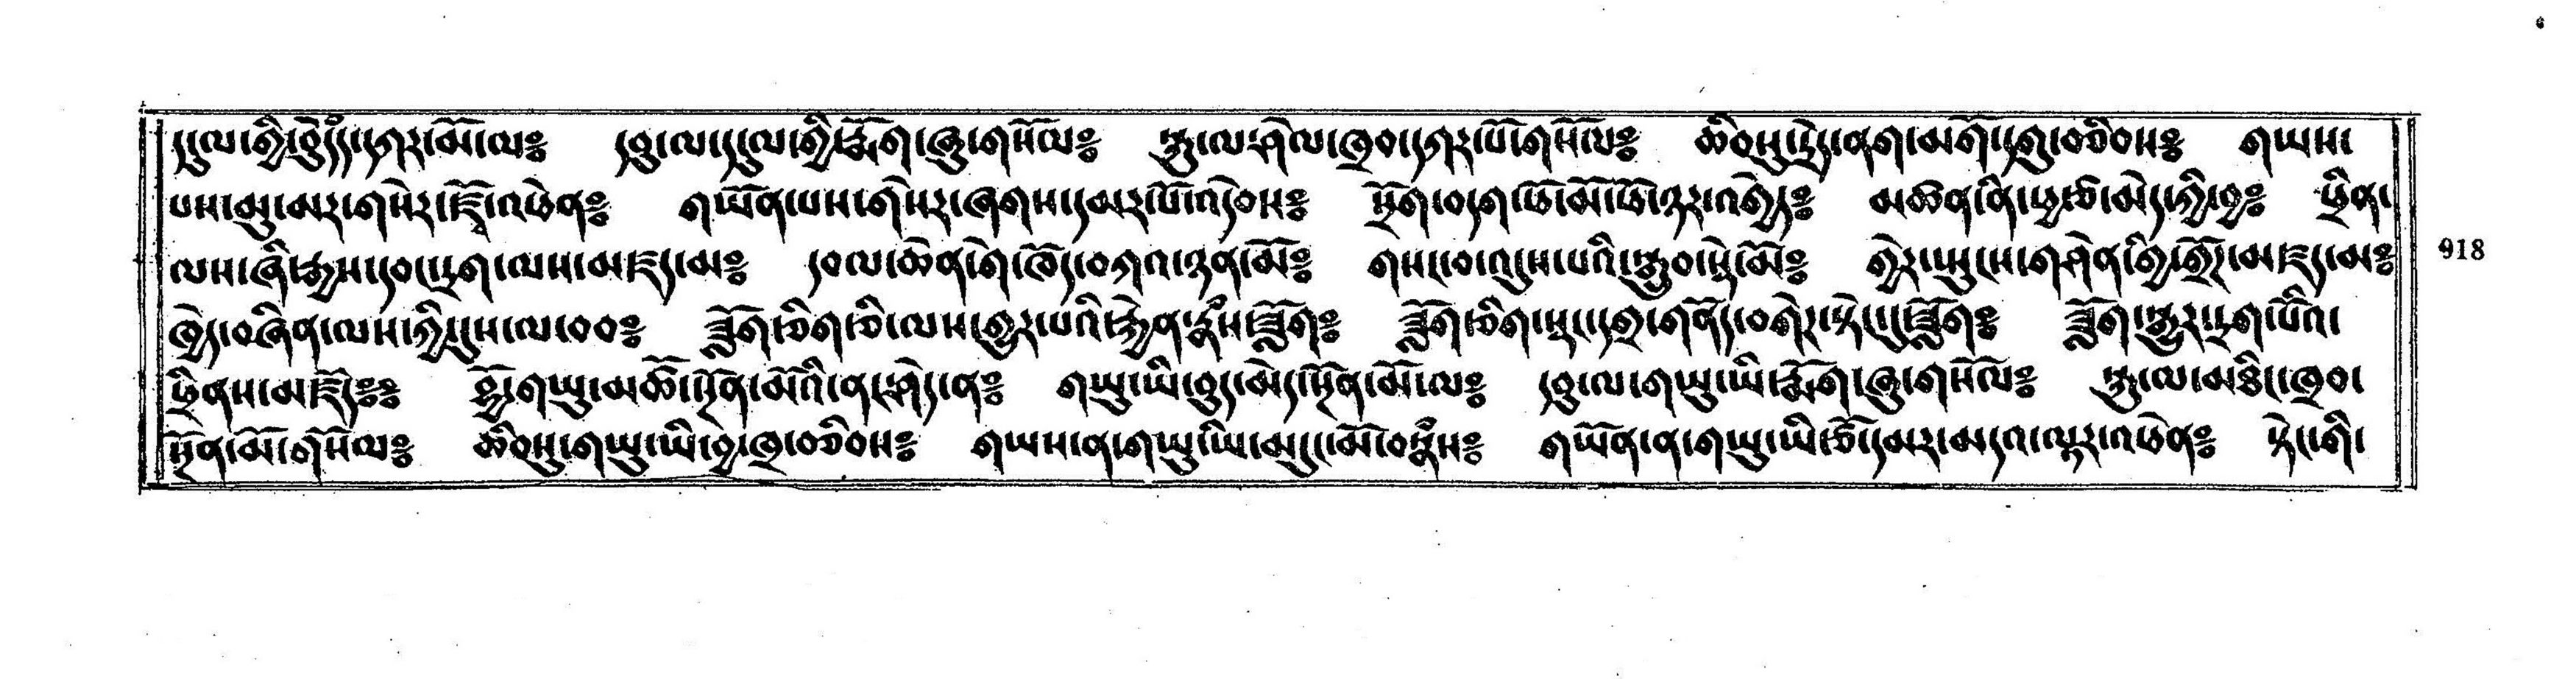དངུལ་གྱི་བུད་མེད་དཀར་མོ་ལ༔ དབུ་ལ་དངུལ་གྱི་རྨོག་ཞུ་གསོལ༔ སྐུ་ལ་ཤེལ་ཁྲབ་དཀར་པོ་གསོལ༔ ཆིབས་སུ་དྲེད་ནག་མགོ་དགུ་བཅིབས༔ གཡས་
པས་མུ་མར་གསེར་ཛྭོ་འཕེན༔ གཡོན་པས་གསེར་ཞགས་དམར་པོ་འདེབས༔ སྲོག་བདག་ཕོ་མོ་ཕོ་ཉར་འགྱེད༔ མཚན་ནི་ཕྱ་ཙ་མེད་ཀྱི་བྱ༔ ཕྲིན་
ལས་ཞི་རྒྱས་དབང་དྲག་ལས་མཛད་མ༔ དབལ་ཆེན་གེ་ཁོད་བཀའ་ཉན་མོ༔ གསང་བ་འདུས་པའི་སྒྲུབ་སྡེ་མོ༔ གྱེར་སྤུངས་གཤེན་གྱི་གྲོགས་མཛད་མ༔ 
ཁྱེད་བཞིན་ལས་ཀྱི་དུས་ལ་བབ༔ ཟློག་ཅིག་ཅི་ལས་གྱུར་པའི་རྐྱེན་རྣམས་ཟློག༔ ཟློག་ཅིག་སྡང་དགྲ་གནོད་བགེགས་སྟེང་དུ་ཟློག༔ ཟློག་སྒྱུར་དྲག་པོའི་
ཕྲིན་ལས་མཛོད༔༔ བྷྱོ་གཡུ་མཚོ་སྔོན་མོའི་ནང་ཤེད་ན༔ གཡུ་ཡི་བུད་མེད་སྔོན་མོ་ལ༔ དབུ་ལ་གཡུ་ཡི་རྨོག་ཞུ་གསོལ༔ སྐུ་ལ་མཐིང་ཁྲབ་
སྔོན་མོ་གསོལ༔ ཆིབས་སུ་གཡུ་ཡི་བྱེ་ཁྲ་བཅིབས༔ གཡས་ན་གཡུ་ཡི་མདུང་མོ་བསྣམས༔ གཡོན་ན་གཡུ་ཡི་ཙོ་དམར་མདའ་ལྟར་འཕེན༔ སྟེང་གི་